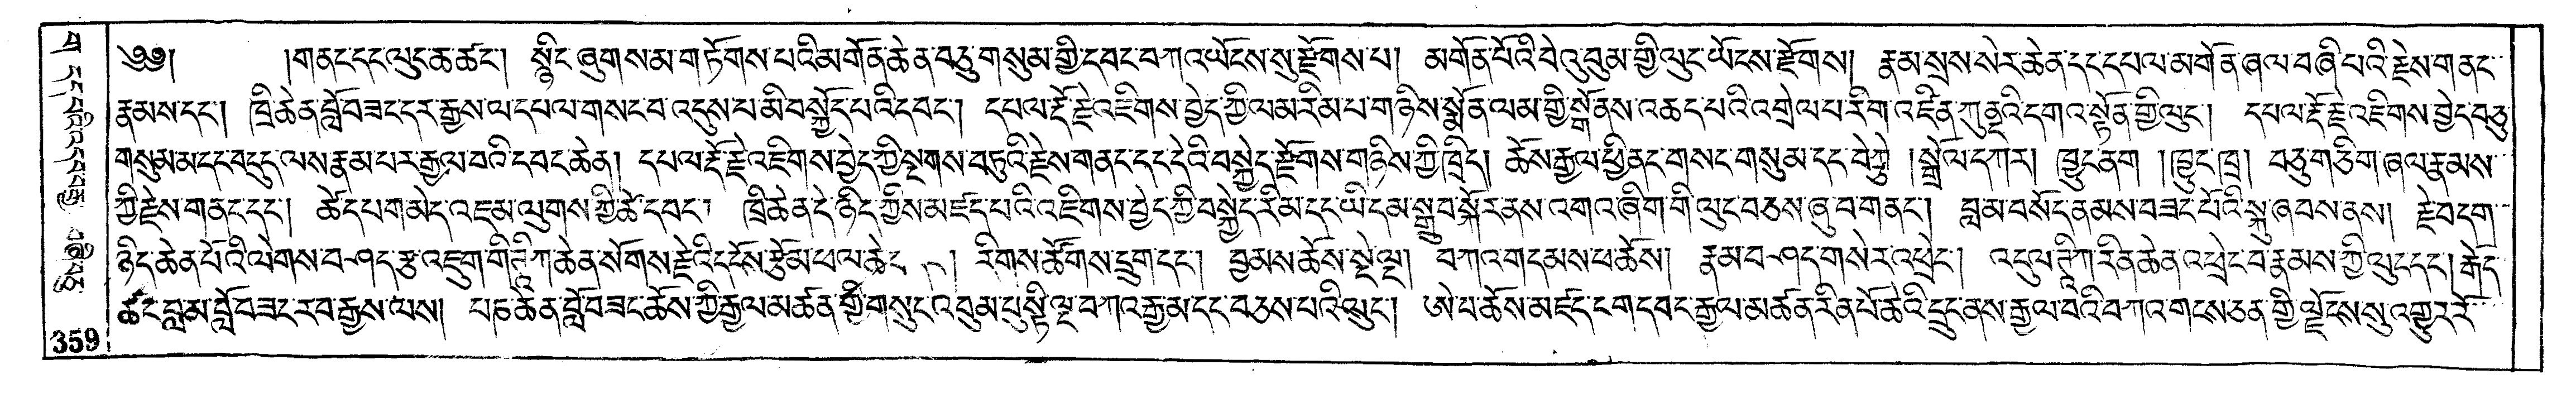༄༅། །གནང་དང་ལུང་ཆ་ཚང་། སྙིང་ཞུགས་མ་གཏོགས་པའི་མགོན་ཆེན་བཅུ་གསུམ་གྱི་དབང་བཀའ་ཡོངས་སུ་རྫོགས་པ། མགོན་པོའི་བེའུ་བུམ་གྱི་ལུང་ཡོངས་རྫོགས། རྣམ་སྲས་སེར་ཆེན་དང་དཔལ་མགོན་ཞལ་བཞི་པའི་རྗེས་གནང་
རྣམས་དང་། ཁྲི་ཆེན་བློ་བཟང་དར་རྒྱས་ལ་དཔལ་གསད་བ་འདུས་པ་མི་བསྐྱོད་པའི་དབང་། དཔལ་རྡོ་རྗེ་འཇིགས་བྱེད་ཀྱི་ལམ་རིམ་པ་གཉིས་སྨོན་ལམ་གྱི་སྒོ་ནས་འཆད་པའི་འགྲེལ་བ་རིག་འཛིན་ཀུན་དའི་དགའ་སྟོན་གྱི་ལུང་། དཔལ་རྡོ་རྗེ་འཇིགས་བྱེད་བཅུ་
གསུམ་མ་དང་བདུད་ལས་རྣམ་པར་རྒྱལ་པའི་དབང་ཆེན། དཔལ་རྡོ་རྗེ་འཇིགས་བྱེད་ཀྱི་སྔགས་བཏུའི་རྗེས་གནང་དང་དེའི་བསྐྱེད་རྫོགས་གཉིས་ཀྱི་ཁྲིད། ཆོས་རྒྱལ་ཕྱི་ནང་གསང་གསུམ་དང་བེཀྩེ། །སྒྲོལ་དཀར། ཁྱུང་ནག །ཁྱུང་ཁྲ། བཅུ་གཅིག་ཞལ་རྣམས་
ཀྱི་རྗེས་གནང་དང་། ཚེ་དཔག་མེད་འཇམ་ལུགས་ཀྱི་ཚེ་དབང་། ཁྲི་ཆེན་དེ་ཉིད་ཀྱིས་མཛད་པའི་འཇིགས་བྱེད་ཀྱི་བསྐྱེད་རིམ་དང་ཡི་དམ་སྒྲུབ་སྐོར་ནས་འགའ་ཞིག་གི་ལུང་བཅས་ཞུ་བ་གནང་། བླ་མ་བསོད་ནམས་བཟང་པོའི་སྐུ་ཞབས་ནས། རྗེ་བདག་
ཉིད་ཆེན་པོའི་ལེགས་བཤད་རྩ་འཇུག་གི་ཊའིཀ་ཆེན་སོགས་རྗེའི་དངོས་རྩོམ་ཕལ་ཆེ་བ་དང་། རིགས་ཚོགས་དྲུག་དང་། བྱམས་ཆོས་སྡེ་ལྔ། བཀའ་གདམས་ཕ་ཆོས། རྣམ་བཤད་གསེར་འཕྲེང་། འདུལ་ཊའིཀ་རིན་ཆེན་འཕྲེང་བ་རྣམས་ཀྱི་ལུང་དང་། རྒོད་
ཚང་བླ་མ་བློ་བཟང་རབ་རྒྱས་ལས། པཎ་ཆེན་བློ་བཟང་ཆོས་ཀྱི་རྒྱལ་མཚན་གྱི་གསུང་འབུམ་བུ་སྟི་ལྔ་བཀའ་རྒྱ་མ་དང་བཅས་པའི་ལུང་། ཨེ་པ་ཆོས་མཛད་ངག་དབང་རྒྱལ་མཚན་རིན་པོ་ཆེའི་དྲུང་ནས་རྒྱལ་བའི་བཀའ་གངས་ཅན་གྱི་ལྗོངས་སུ་འགྱུར་རོ་